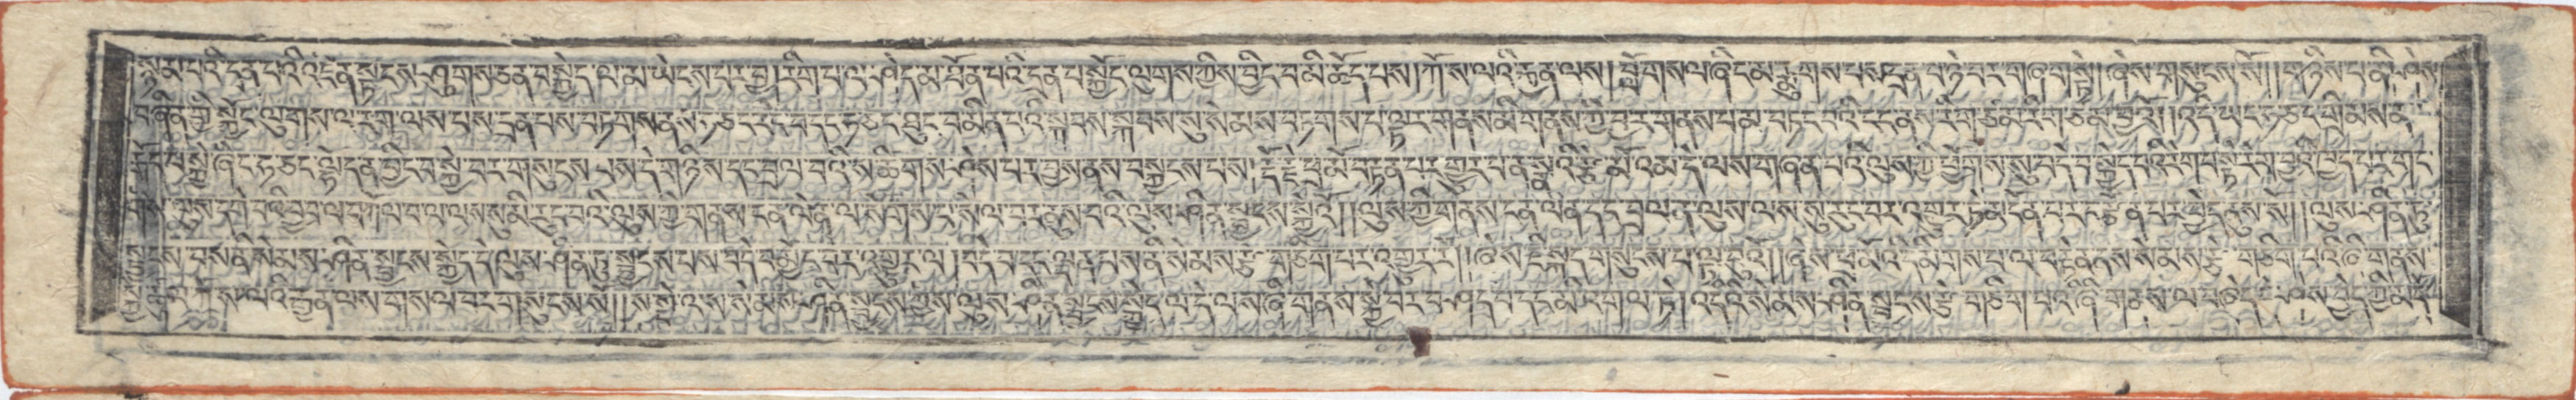སྙམ་པའི་དྲན་པའི་འཛིན་སྟངས་ཤུགས་ཅན་བསྐྱེད་ལ་མ་ཡེངས་པར་བྱ། རིག་པ་ལ་ཤེད་མ་ཐོན་པའི་དྲན་པ་སྐྱོང་ལུགས་ཀྱིས་བྱིང་བ་མི་ཆོད་པས། ཀོ་ས་ལའི་རྐྱན་ལས། བློ་གསལ་ཞིང་མ་རྨུགས་པས་དྲན་པ་ཉེ་བར་གཞག་སྟེ། ཞེས་གསུངས་སོ། །གཉིས་པ་ནི། ཤེས་
བཞིན་གྱི་སྐྱོང་ལུགས་ལ་རག་ལས་པས་དྲན་པས་བཏགས་ནས་ཧ་ཅང་རིང་བ་དང་ཧ་ཅང་ཐུང་བ་མིན་པའི་སྐབས་སྐབས་སུ་སེམས་བཏགས་པ་ལྟར་གནས་མི་གནས་ཀྱི་བྱ་ར་གནས་པ་མ་བཏང་བའི་ངང་ནས་རིག་ཙམ་རིག་ཙམ་བྱའོ། །འདི་ཡང་ཧ་ཅང་གྲིམས་ན་
རྒོད་པ་སྐྱེ་ཞིང་ཧ་ཅང་ལྷོད་ན་བྱིང་བ་སྐྱེ་བར་གསུངས་པས་དེ་གཉིས་དང་བྲལ་བའི་ས་ཚིགས་ཤེས་པར་བྱས་ནས་བསྐྱངས་པས། རྡོ་རྗེ་ཕྲ་མོ་བརྟན་པར་གྱུར་པ་ན་སྣའི་རྩེ་མོ་འམ་དེ་ལས་གཞན་པའི་ལུས་ཀྱི་ཕྱོགས་སུ་བདེ་བ་སྐྱེད་པའི་རེག་པ་སྟེ་རེག་བྱའི་ཁྱད་པར་གང་
གིས་ལུས་དགེ་བའི་བྱ་བ་ལ་བཀོལ་བ་ལ་ལས་སུ་མི་རུང་བའི་ལུས་ཀྱི་གནས་ངན་ལེན་ལ་སོགས་པ་སེལ་བར་ནུས་པའི་ལུས་ཤིན་སྦྱངས་སྐྱེའོ། །ལུས་ཀྱི་གནས་ངན་ལེན་དང་བྲལ་ན་ལུས་ལས་སུ་རུང་བར་འགྱུར་ཏེ་མངོན་པར་བརྩོན་པར་བྱེད་ནུས་སོ། །ལུས་ཤིན་ཏུ་
སྦྱངས་བས་ནི་སེམས་ཤིན་སྦྱངས་སྐྱེད་དེ་ལུས་ཤིན་ཏུ་སྦྱངས་པས་བདེ་བ་མྱོང་བར་འགྱུར་ལ། བདེ་བ་དང་ལྡན་པས་ནི་སེམས་རྩེ་གཅིག་པར་འགྱུར་རོ། །ཞེས་ཇི་སྐད་གསུངས་པ་ལྟ་བུའོ། །ཞེས་ཕྲ་མོའི་དམིགས་པ་ལ་བརྟེན་ནས་སེམས་རྩེ་གཅིག་པའི་ཞི་གནས་
སྐྱེ་ཚུལ་ཀོ་ས་ལའི་རྒྱན་ལས་གསལ་བར་གསུངས་སོ། །ས་སྡེ་ལས་སེམས་ཤིན་སྦྱངས་ཀྱིས་ལུས་ཤིན་སྦྱངས་སྐྱེད་ལ་དེ་ལས་ཞི་གནས་སྐྱེ་བར་བཤད་པ་དང་མི་འགལ་ཏེ། འདིའི་སེམས་ཤིན་སྦྱངས་རྩེ་གཅིག་པའི་ཞི་གནས་ལ་བཞེད་དེ་ཤེས་བྱེད་ཀྱི་མདོ་